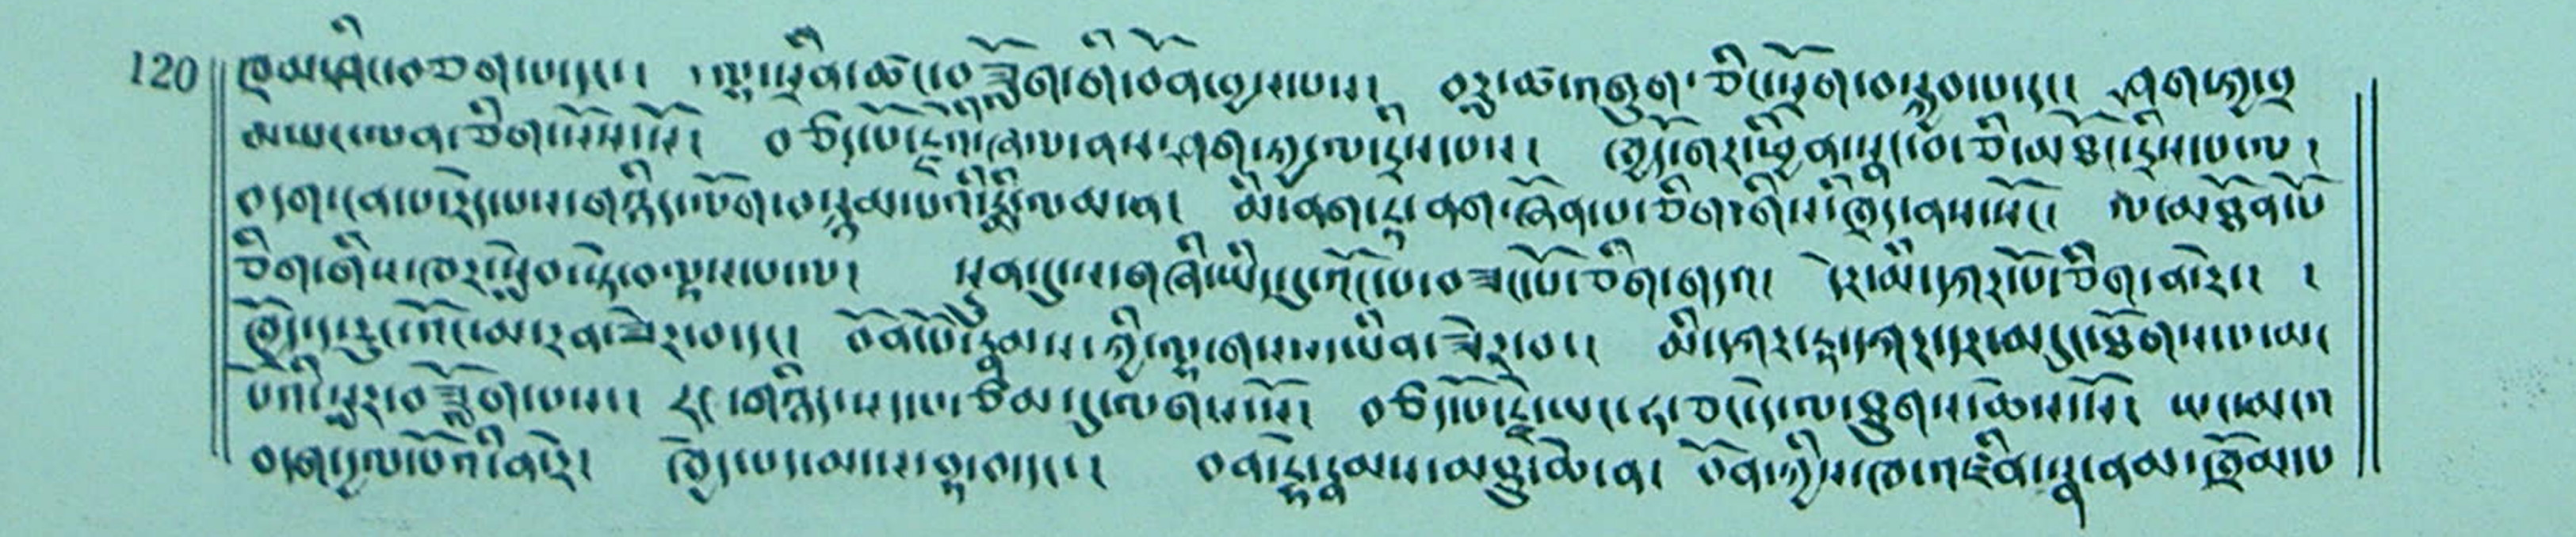ཁྲམ་ཤིང་བཅག་པ་དང་། ལྷ་སྲིན་ཚང་བཟློག་གི་བོན་བྱས་པས། བརླ་ཚ་འགུག་ཅིང་སྲོག་བསྐྱབ་པ་དང་། ཤག་ཀྱ་བྲ་
བ་མ་པང་ལན་གཅིག་སོས་སོ། །བཙད་པོ་རྗེའི་ཞལ་ནས་ཤག་ཀྱ་ལ་དྲིས་པས། ཁྱོད་གར་ཕྱིན་སྣང་བ་ཅི་མཐོང་དྲིས་པ་ལ། 
བདག་ངན་པ་རེད་པས་གཉིད་ལོག་བསྙམ་པའི་རྨི་ལམ་ན། མི་ནག་རྟ་ནག་ཞོན་པ་ཅིག་གིས་ཁྲིད་ནས་སོང་། ལ་མཐོན་པོ་
ཅིག་གི་ཁར་སླེབ་ནས་བལྟས་པ་ལ། སྔོན་དུ་ས་གཞི་ཡིད་དུ་འོང་བ་བཟང་པོ་གཅིག་གདའ། དེར་མི་དཀར་པོ་ཅིག་ན་རེ། 
ཁྱོད་ད་རུང་འོང་མ་རན་ཟེར་བ་དང་། བོན་པོ་རྣམས་ཀྱི་ལྷ་གསས་ཡིན་ཟེར་བ། མི་དཀར་རྟ་དཀར་དར་མདུང་ཐོགས་པ་མང་
པོའི་སླར་བཟློག་པས། རང་གཉིད་སད་པ་ཙམ་དུ་ལགས་སོ། །བཙད་པོ་རྗེ་ཡང་ཧ་ཅང་དེ་ལ་ཐུགས་ཆེས་སོ། །ཡང་མངའ་
བདག་རྒྱལ་པའི་ན་རེ། ཁྱེད་པད་མ་སཾ་བྷ་བ་དང་། བན་དྷེ་རྣམས་མཐུ་ཆེ་ན། བོན་གྱི་ཁ་འཛིན་སྣ་ནམ་ཁྲོམ་པ་